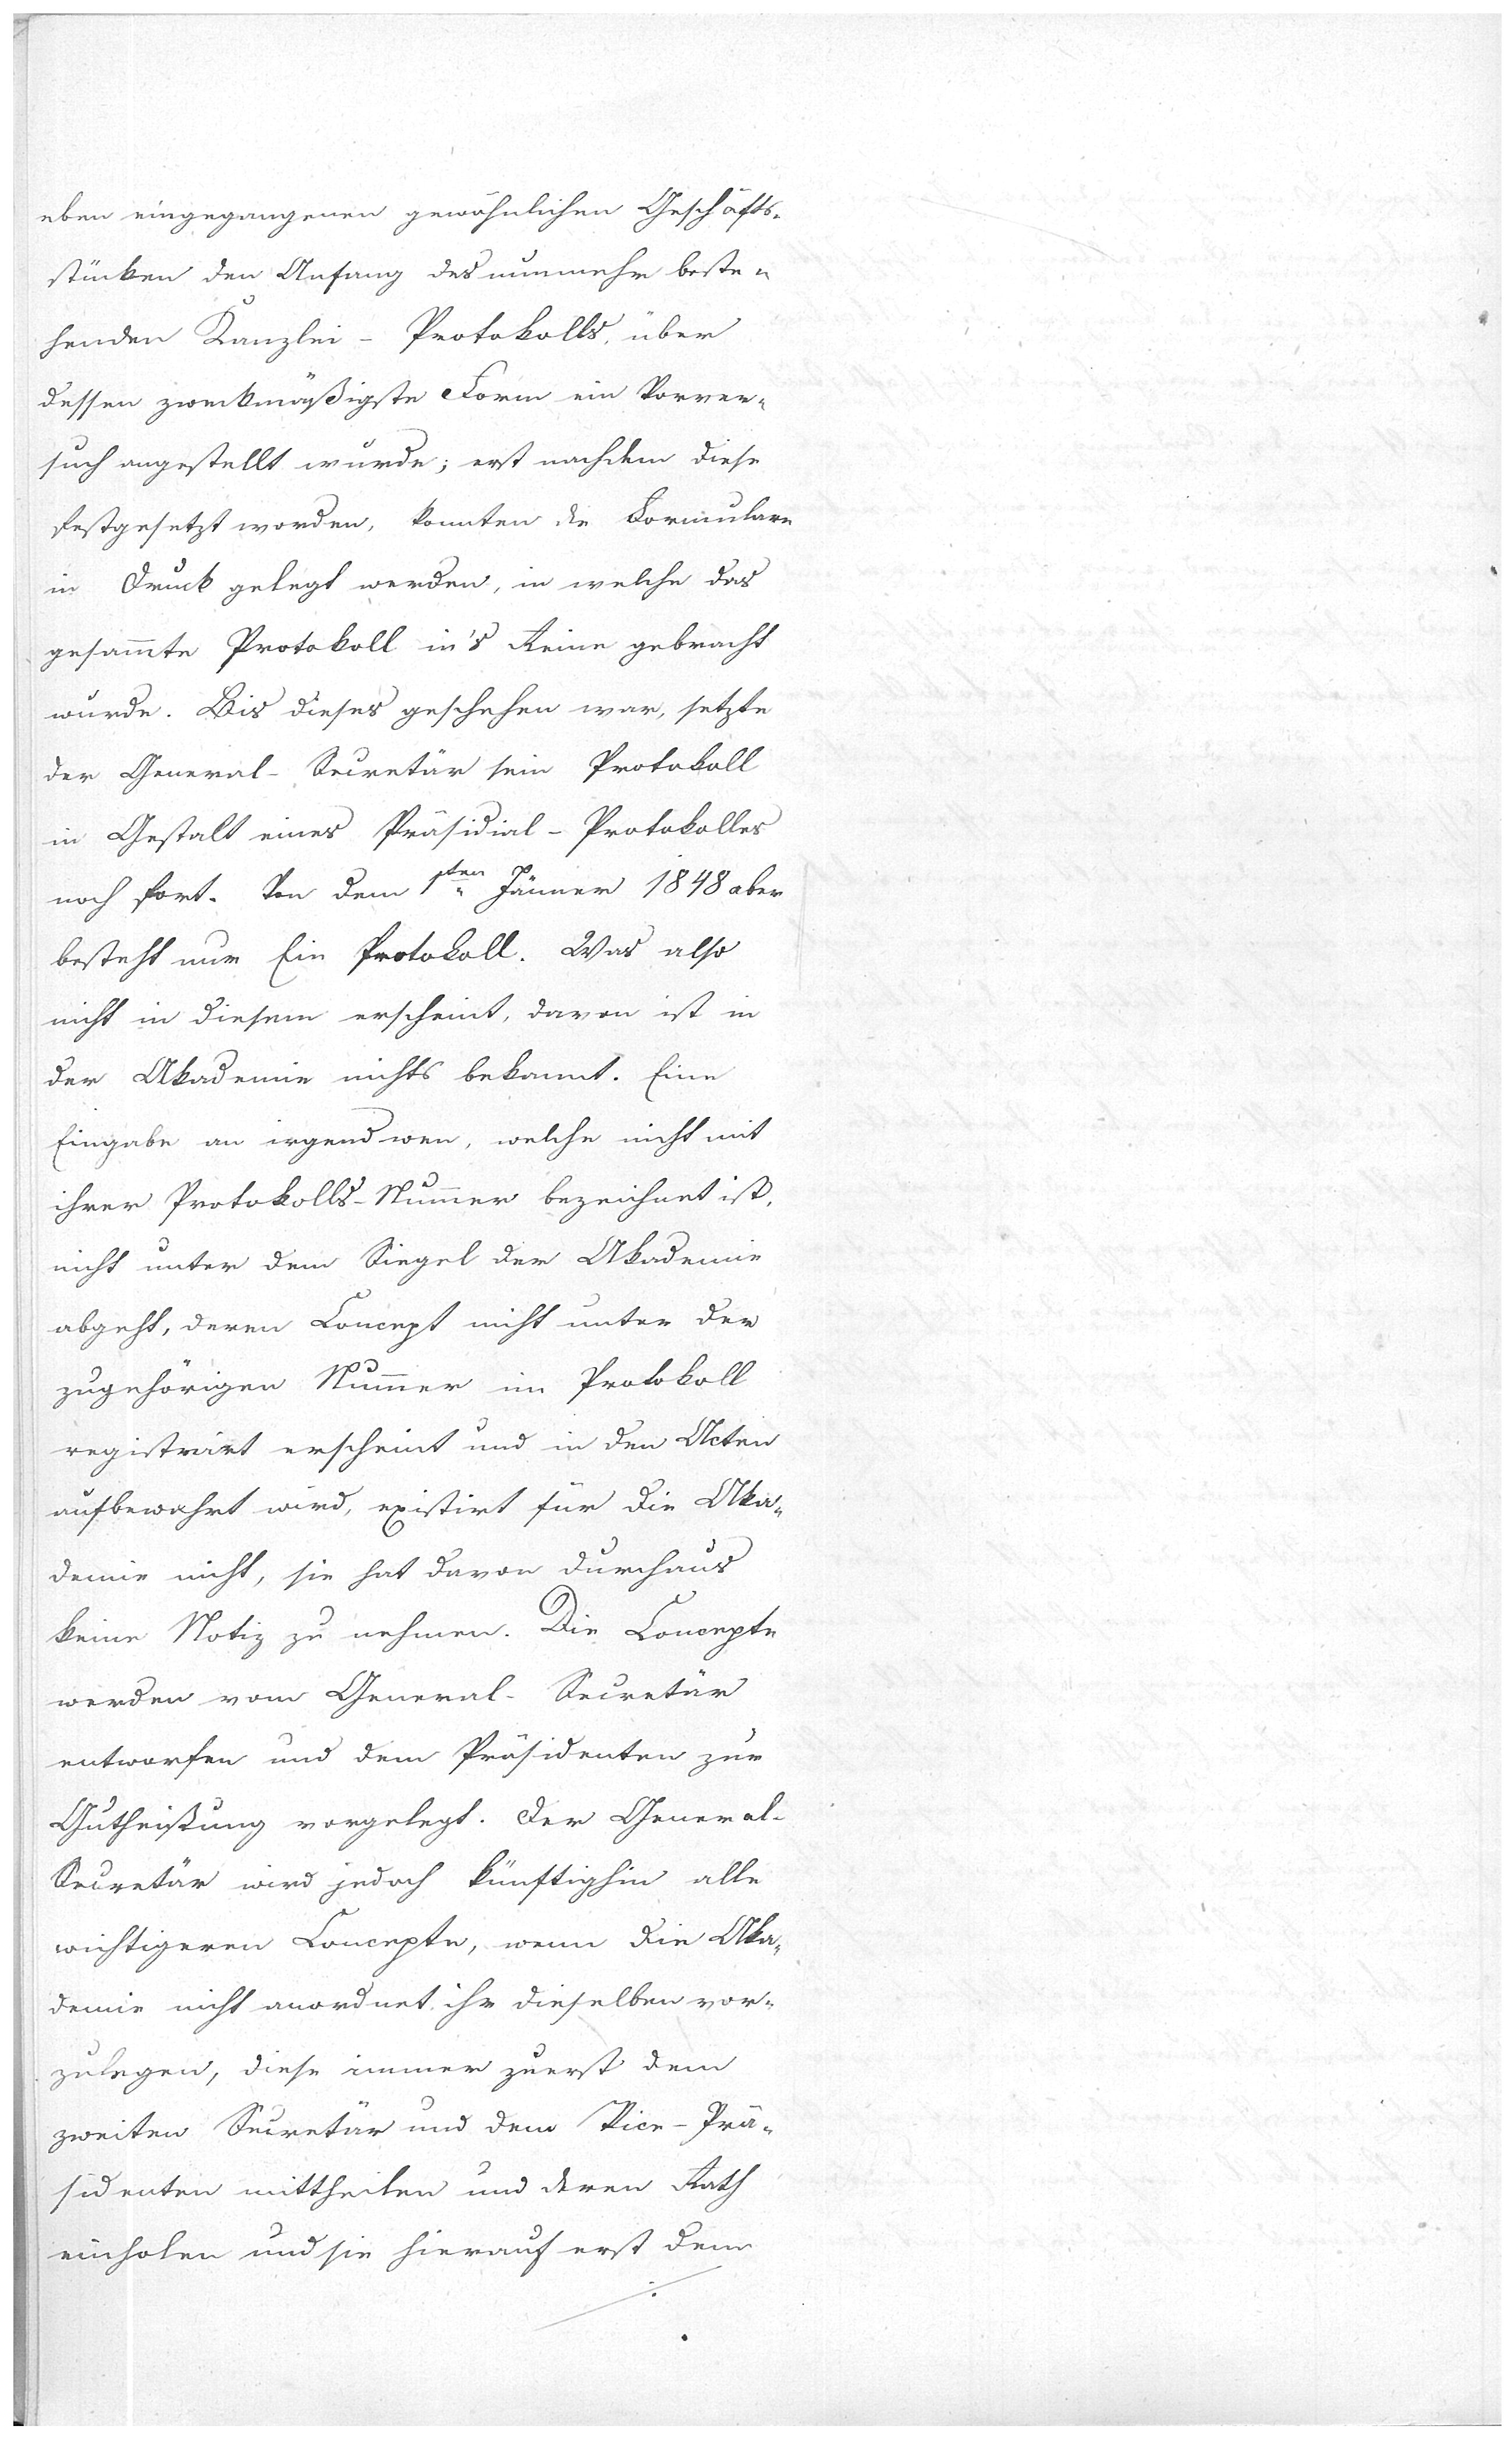eben eingegangenen gewöhnlichen Geschäfts-
stücken den Anfang des nunmehr beste-
henden Kanzlei-Protokolls, über
dessen zweckmäßigste Form ein Vorver-
such angestellt wurde; erst nachdem dieser
festgesetzt worden, konnten die Formulare
in Druck gelegt werden, in welcher das
gesammt Protokoll in's Reine gebracht
wurde. Bis dieses geschehen war, setzte
der General-Secretär sein Protokoll
in Gestalt eines Präsidial-Protokolles
noch fort. Von dem 1ten Jänner 1848 aber
besteht nur ein Protokoll. Was also
nicht in diesem erscheint, davon ist in
der Akademie nichts bekannt .Eine
Eingabe an irgendwen, welche nicht mit
ihrer Protokolls-Nummer bezeichnet ist,
nicht unter dem Siegel der Akademie
abgeht, deren Concept nicht unter der
zugehörigen Nummer im Protokoll
registrirt erscheint und in den Acten
aufbewahrt wird, existirt für die Aka-
demie nicht, sie hat davon durchaus
keine Notiz zu nehmen. Die Concepte
werden vom General-Secretär
entworfen und dem Präsidenten zur
Gutheißung vorgelegt. Der General-
Secretär wird jedoch künftighin alle
wichtigen Concepte, wenn die Aka-
demie nicht anordnet, ihr dieselben vor-
zulegen, diese immer zuerst dem
zweiten Secretär und dem Vice-Prä-
sidenten mittheilen und deren Rath
einholen und sie hierauf erst dem